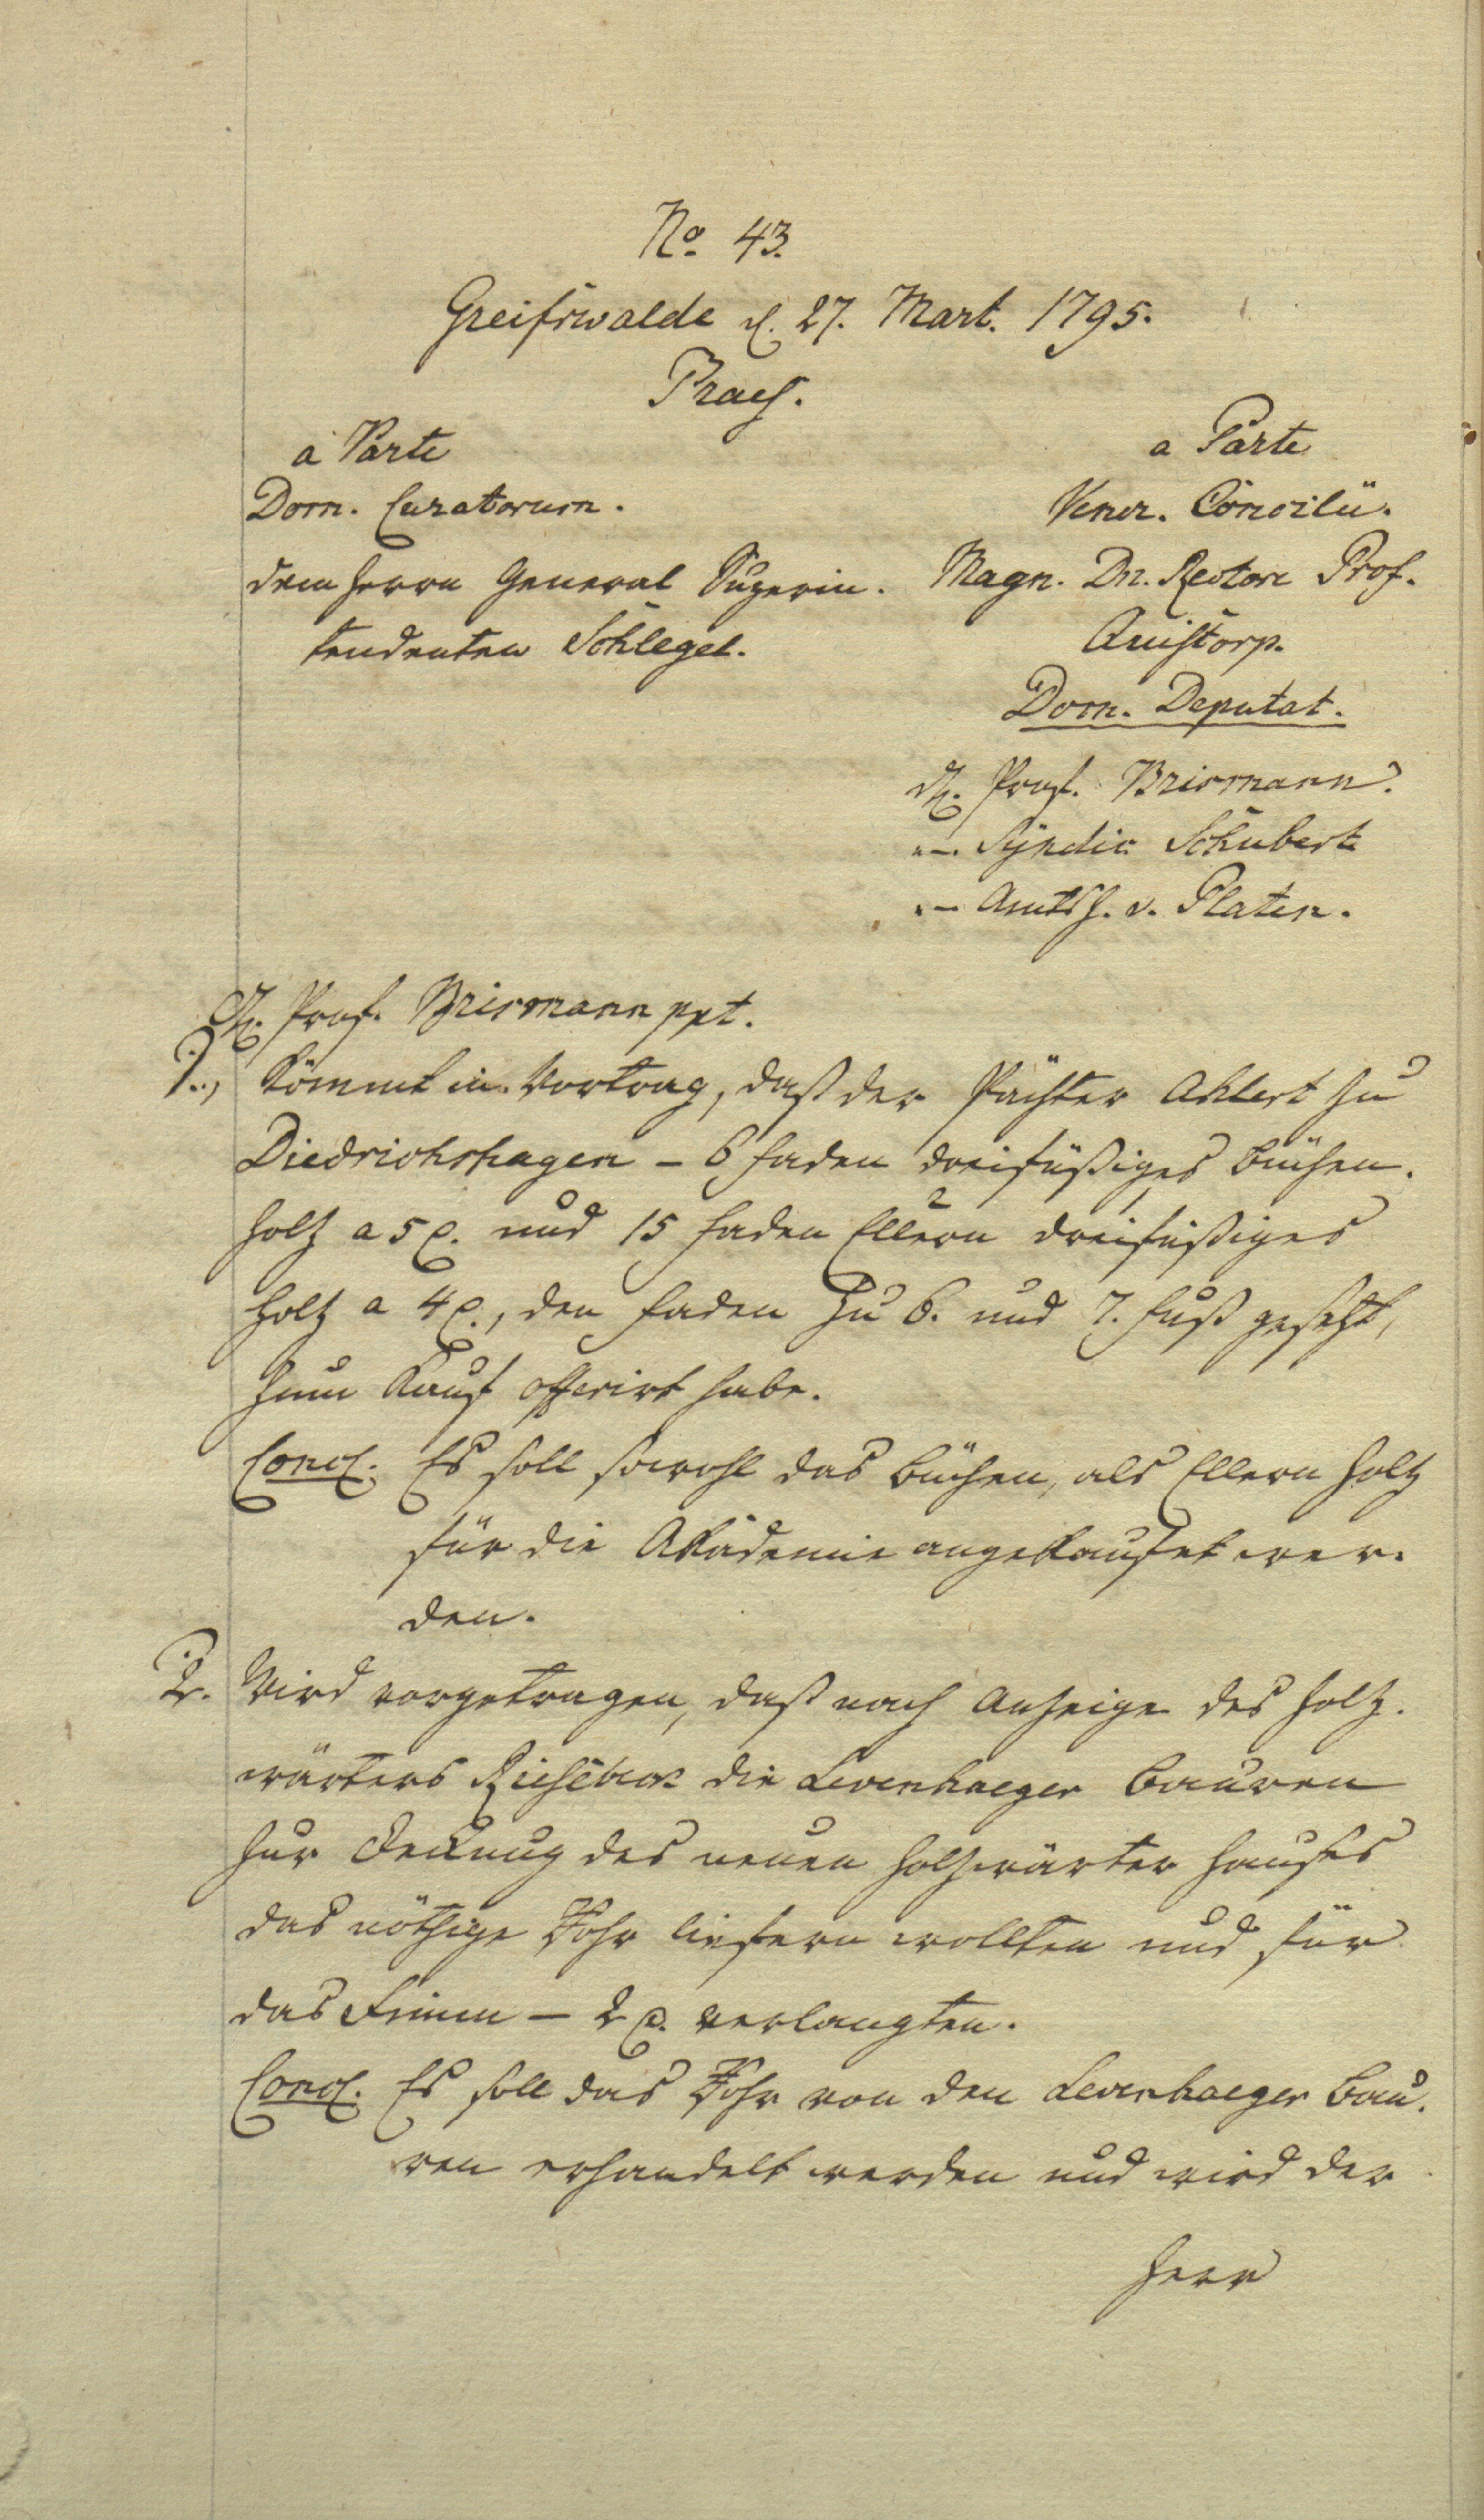No 43.
Greifswalde d. 27. Mart. 1795.
Praes.
a Parte a Parte
Dom. Curatorum. Vener. Concilii.
dem Herrn General Superin¬ Magn. Dn. Rectore Prof.
tendenten Schlegel." Quistorp
Dom. Deputat.
dh. Prof. Brismann.
Sÿndic. Schubert.
Amtsh. v. Platen.
dh. Prof. Brismann ppt.
1., Kömmt in Vortrag, daß der Pächter Ahlert zu
Diedrichshagen 6 Faden dreifüßiges Büchen¬
Holz a 5 l. und 15 Faden Ellern dreifüßiges
Holz a 4 l., den Faden zu 6. und 7. Fuß gesetzt,
zum Kauf offerirt habe.
Concl. Es soll sowohl das Büchen, als Ellern Holz
für die Akademie angekaufet wer¬
den.
2. Wird vorgetragen, daß nach Anzeige des Holz¬
wärters Riesebeck die Levenhaeger Bauren
zur Deckung des neuen Holzwärter Hauses
das nöthige Rohr liefern wollten und für
das Friem 2 l. verlangten.
Concl. Es soll das Rohr von den Levenhaeger Bau¬
ren erhandelt werden und wird der
Herr